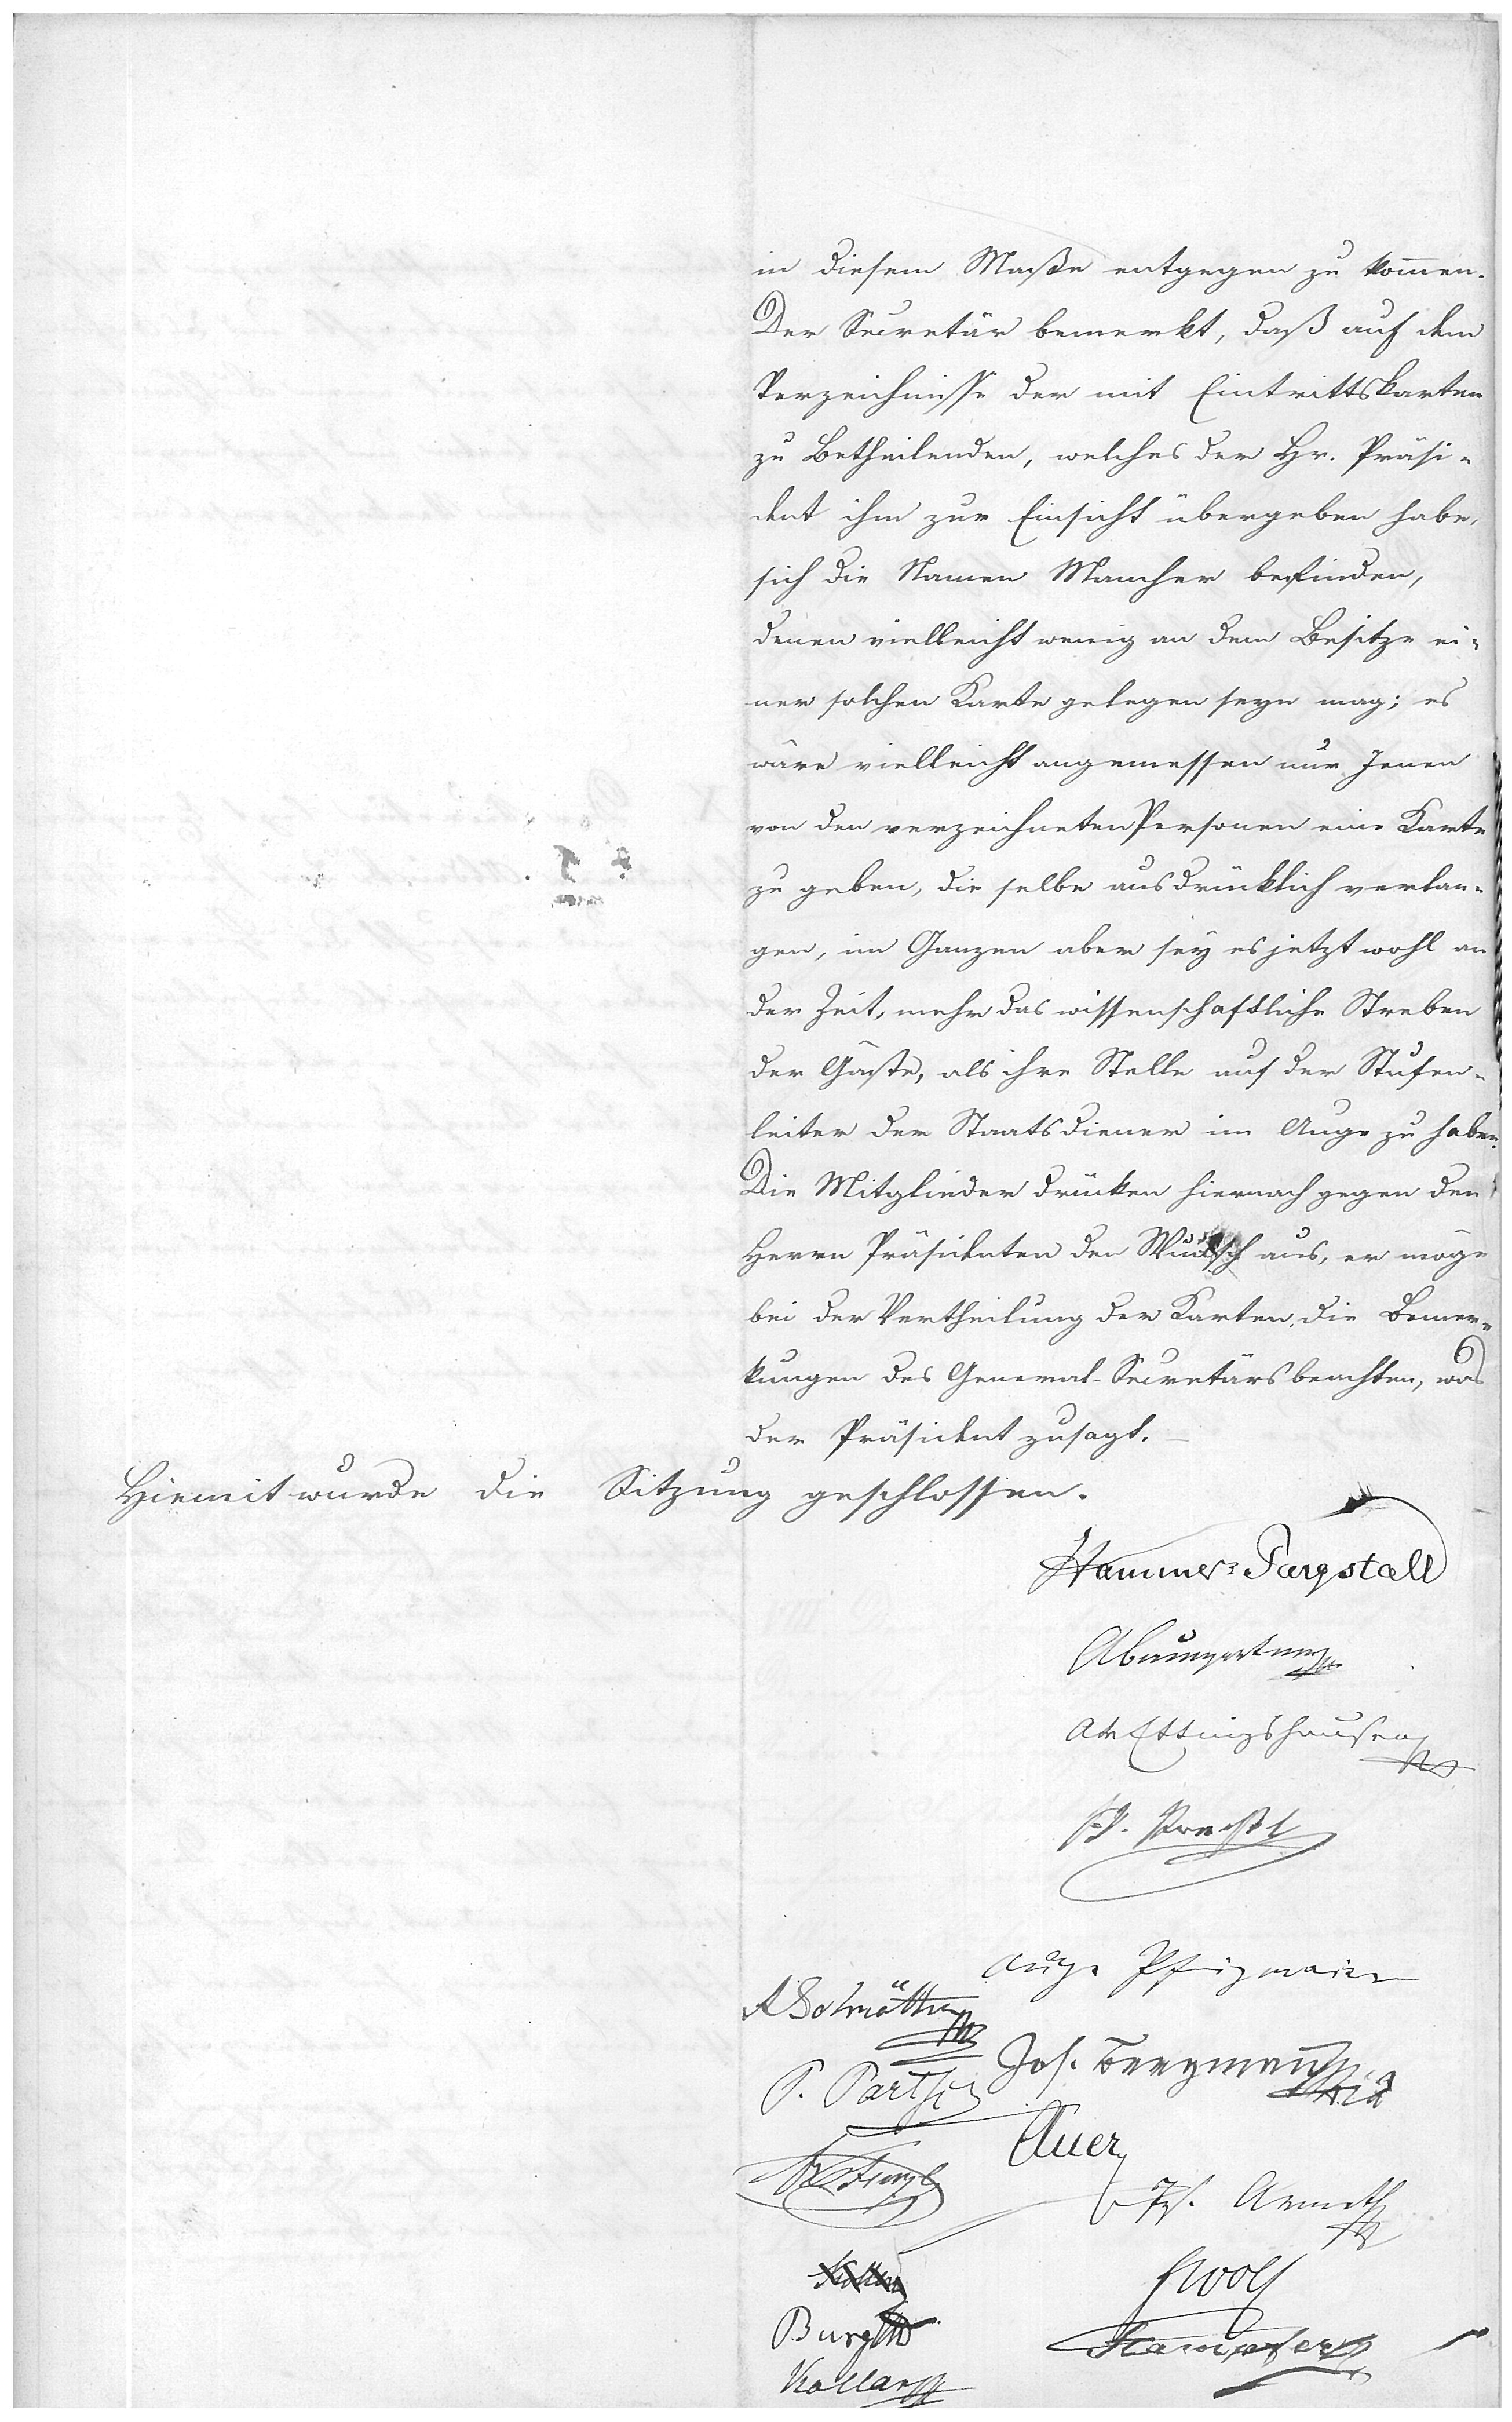im diesem Maße entgegen zu kommen.
Der Secretär bemerkt, daß auf dem
Verzeichnisse der mit Eintrittlkarten
zu Betheilenden, welches der Hr. Präsi-
det ihm zur Einsicht übergeben habe,
sich die Namen Mancher befinden,
denen vielleicht wenig an dem Besitze ei-
ner solchen Karte gelegen seyn mag; es
wäre vielleicht angemessen nur jenen
von den verzeichneten Personen eine Karte
zu geben, dieselbe ausdrücklich verlan-
gen, im Ganzen aber sey es jetzt wohl an
der Zeit, mehr das wissenschaftliche Streben
der Gäste, als ihre Stelle auf der Stufen-
leiter der Staatsdiener im Auge zu haben.
Die Mitglieder drücken hiernach gegen den
Herrn Präsidenten den Wunsch aus, er möge
bei der Vertheilung der Karten die Bemer-
kungen des General-Secretärs beachten, was
der Präsident zusagt.
Hiemit wurde die Sitzung geschlossen.
Hammer-Purgstall
ABaumgartner
AvEttingshausen
J.J. Prechtl
Aug. Pfizmaier
ASchrötter
Jos. Bergmann
P. Partsch
Auer
Ed. Fenzl
Jos. Arneth
FWolf
Koller
Burg
Stampfer
Kollar